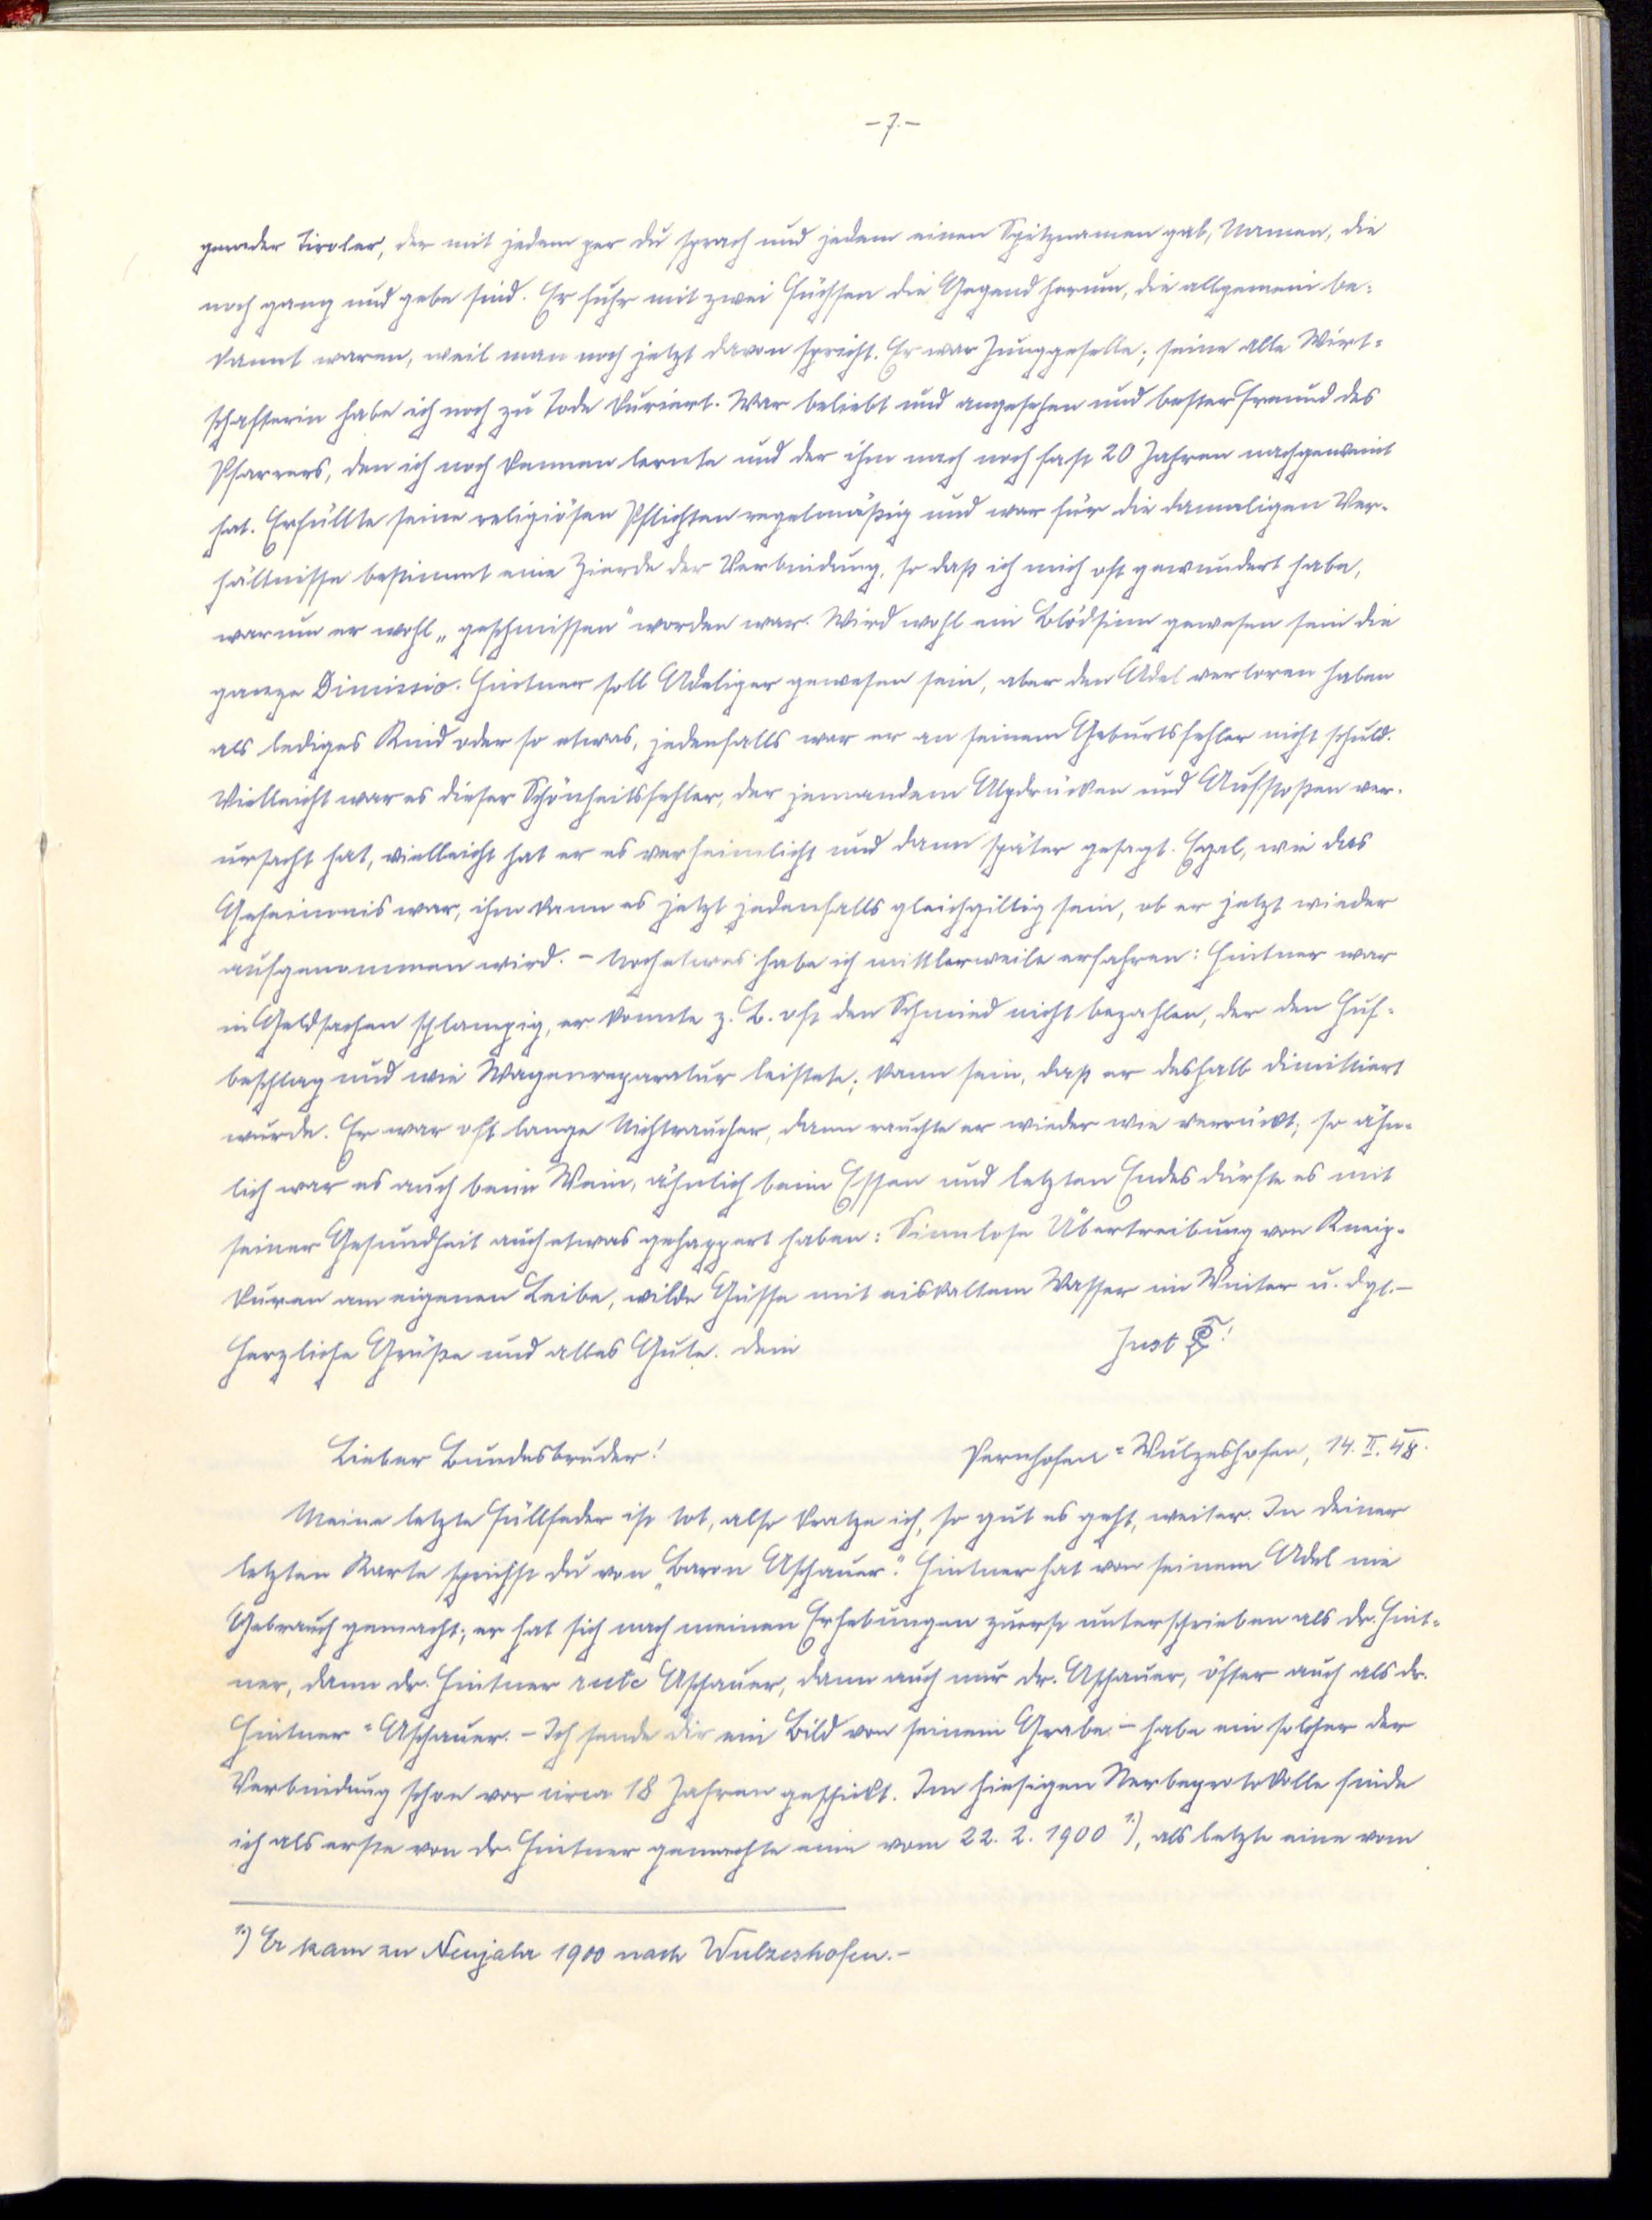7.
gerader Tiroler, der mit jedem per du sprach und jedem einen Spitznamen gab, Namen, die
noch gang und gebe sind. Er fuhr mit zwei Füchsen die Gegend herum, die allgemein ge-
kannt waren, weil man noch jetzt davon spricht. Er war Junggeselle; seine alte Wirt-
schafterin habe ich noch zu Tode kuriert. War beliebt und angesehen und bester Freund des
Pfarrers, den ich noch kennen lernte und der ihm nach noch fast 20 Jahren nachgeweint
hat. Erfüllte seine religiösen Pflichten regelmäßig und war für die damaligen Ver-
hältnisse bestimmt eine Zierde der Verbindung so daß ich mich oft gewundert habe,
warum er wohl "geschmissen" worden war. Wird wohl ein Blödsinn gewesen sein die
ganze Dimisso. Hintner soll Adeliger gewesen sein, aber der Adel war verloren Jedem
als lediges Kind oder so etwas, jedenfalls war er an seinem Geburtsfehler nicht schuld.
Vielleicht war es dieser Schönheitsfehler, der jemandem Alpdrücken und Aufstoßen ver-
ursacht hat, vielleicht hat er es verheimlicht und dann später gesagt. Egal, wie das
Geheimnis war, ihm kann es jetzt jedenfalls gleichgültig sein, ob er jetzt wieder
aufgenommen wird. - Noch etwas habe ich mittlerweile erfahren: Hintner war
in Geldsachen schlampig, er konnte z. B. oft den Schmied nicht bezahlen, der den Huf-
beschlag und eine Wagenreparatur leistete; kann sein, daß er deshalb dimittiert
wurde. Er war oft lange Nichtraucher dann rauchte er wieder wie verrückt; so ähn-
lich war es auch beim Wein, ähnlich beim Essen und letzten Endes dürfte es mit
seiner Gesundheit auch etwas gehappert haben: Sinnlose Übertreibung von Kneip-
kuren am eigenen Leibe, wilde Güsse mit eiskaltem Wasser im Winter u. dgl.-
Herzliche Grüße und alles Gute dein
Just CI!
Lieber Bundesbruder!
Pernhofen-Wulzeshofen, am 14.2.1948
Meine letzte Füllfeder ist tot, also kratze ich, so gut es geht, weiter. In deiner
letzten Karte sprichst du von "Baron Aschauer". Hintner hat von seinem Adel nie
Gebrauch gemacht; er hat sich nach meinen Erfahrungen zuerst unterschrieben als Dr. Hint-
ner, dann Dr. Hintner recte Aschauer, dann auch nur Dr. Aschauer, öfter auch als Dr.
Hintner-Aschauer. - Ich sende dir ein Bild von seinem Grabe - habe ein solchen der
Verbindung schon vor circa 18 Jahren geschickt. Im hiesigen Sterbeprotokole finde
ich als erste von Dr. Hintner gemachte eine vom 22.2.1900 1.), als letzte eine vom
1.) Er kam zu Neujahr 1900 nach Wulzeshofen.-